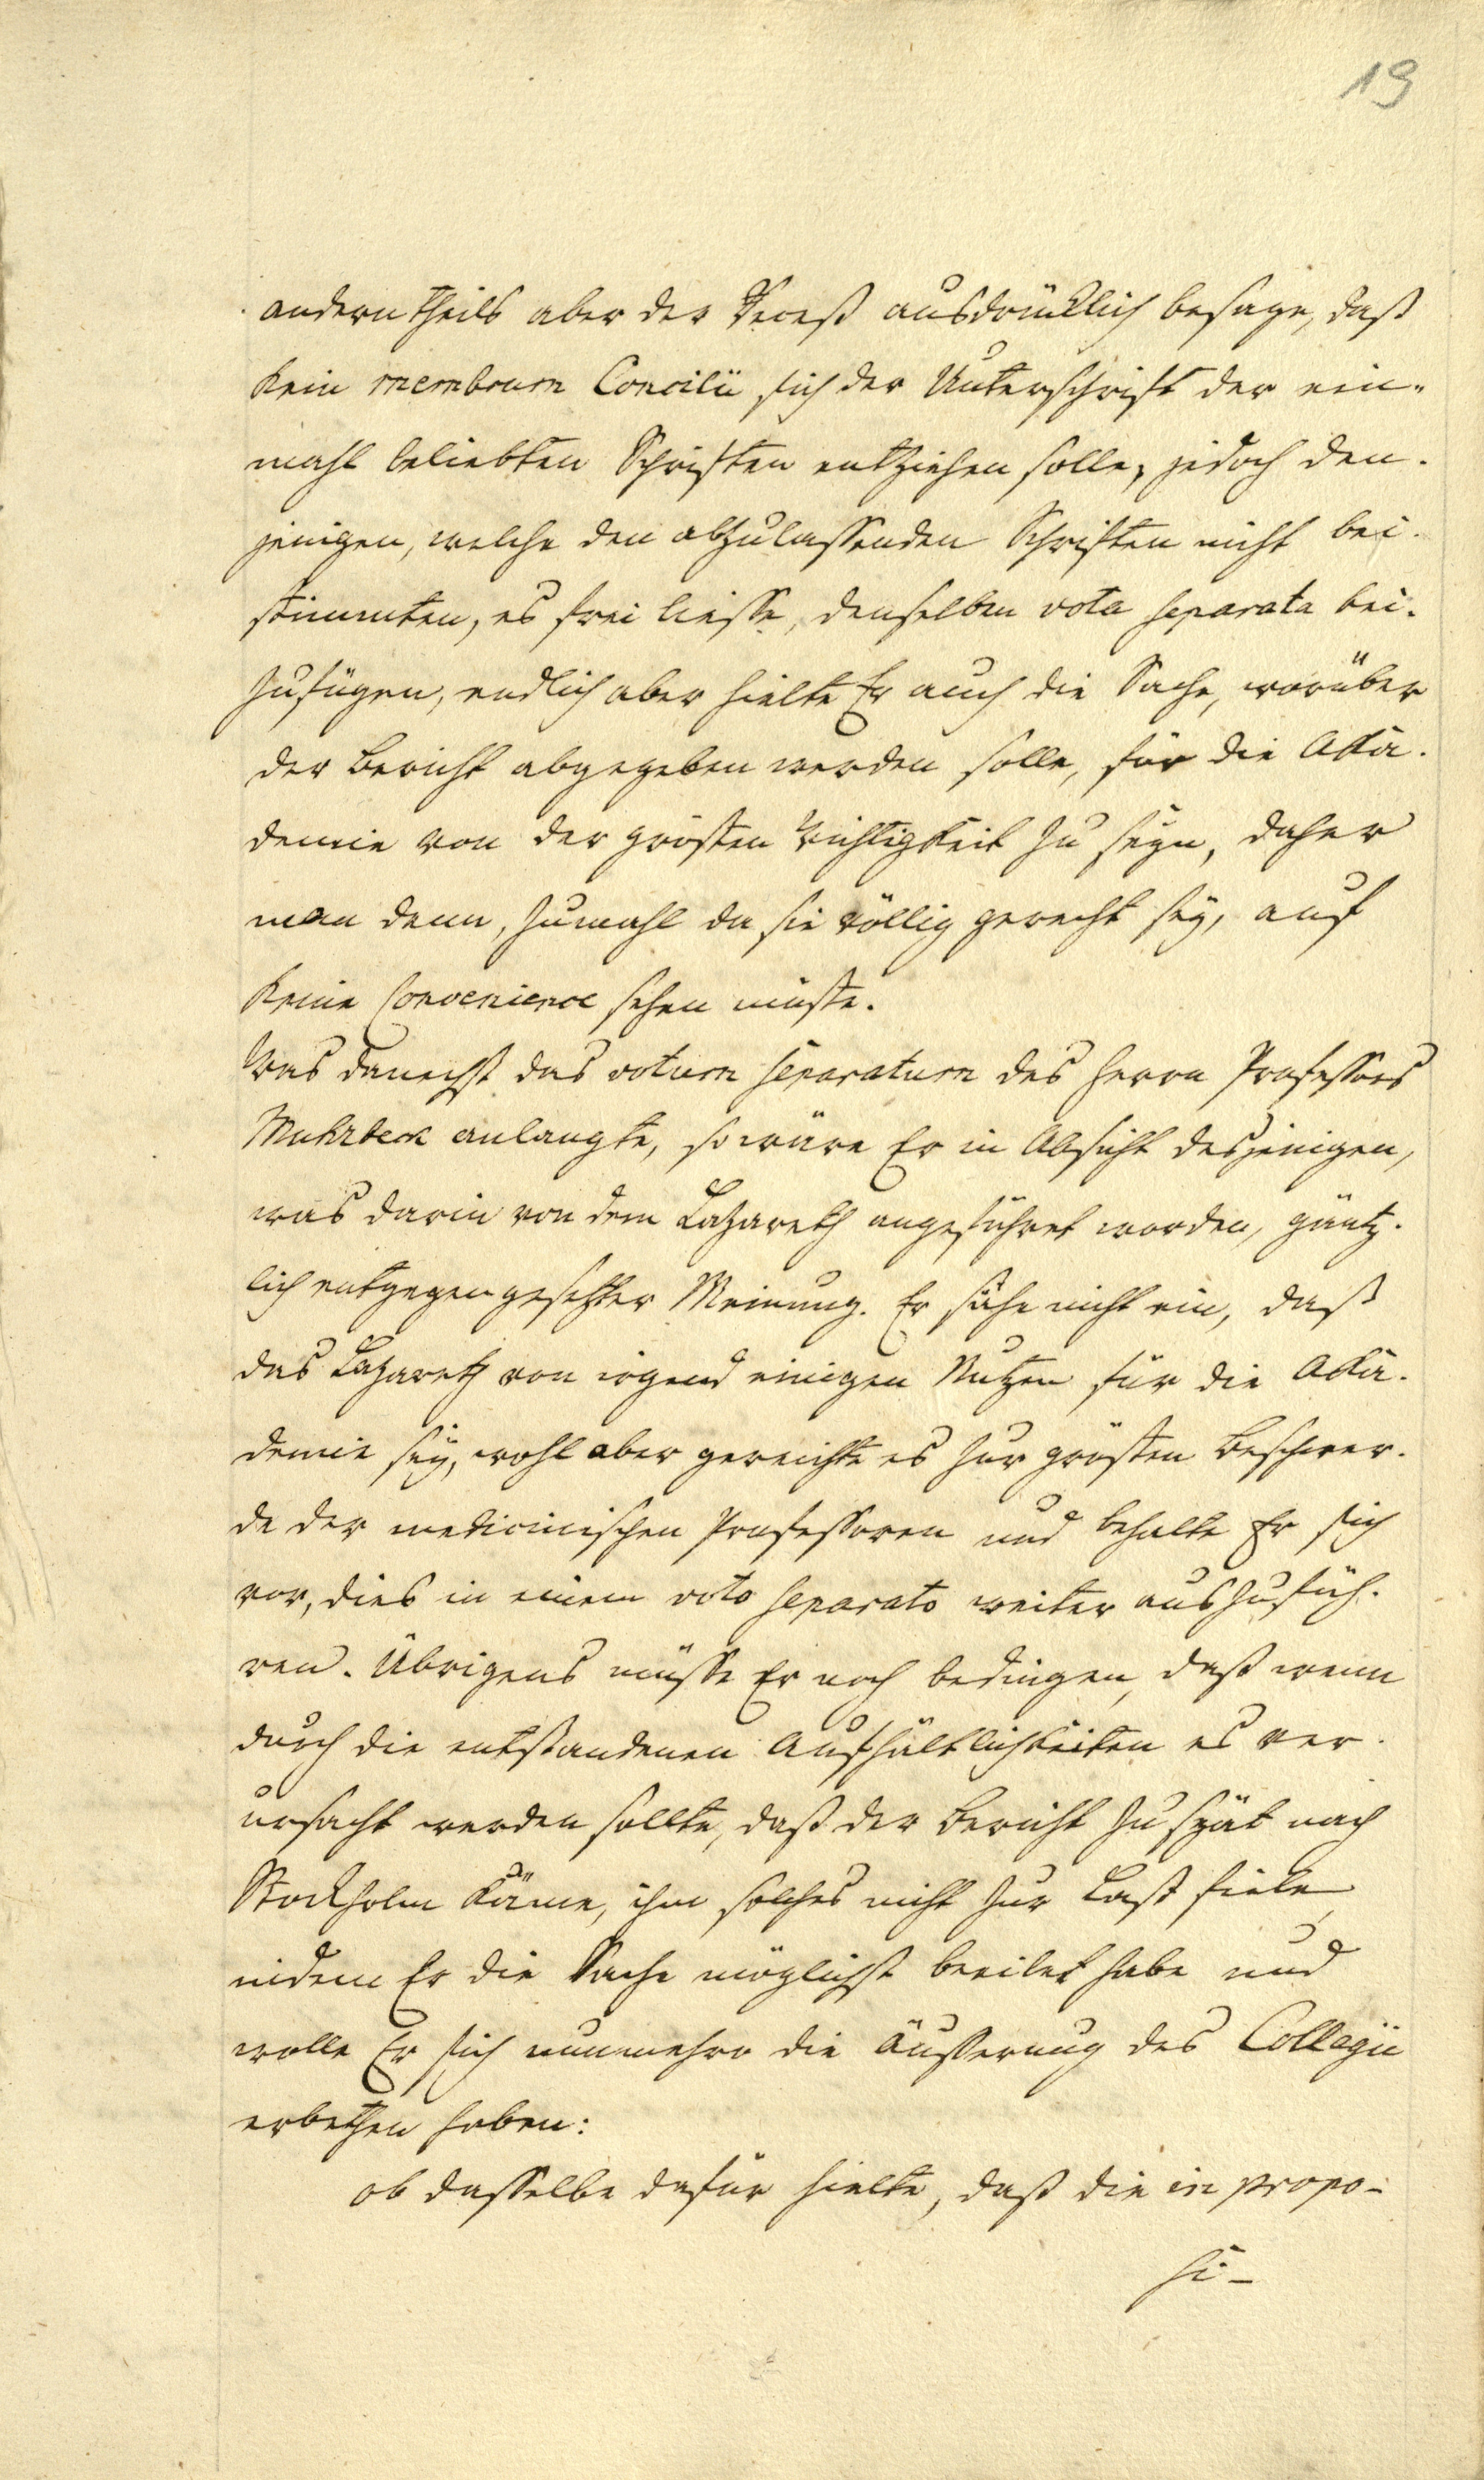anderntheils aber der Receß ausdrücklich besage, daß
kein membrum Concilii sich der Unterschrift der ein¬
mahl beliebten Schriften entziehen solle, jedoch den¬
jenigen, welche den abzulassenden Schriften nicht bei¬
stimmten, es frei liesse, denselben vota separata bei¬
zufügen, endlich aber hielte Er auch die Sache, worüber
der Bericht abgegeben werden solle, für die Aka¬
demie von der grösten Wichtigkeit zu seÿn, daher
man dann, zumahl da sie völlig gerecht seÿ, auf
keine Convenience sehen müste.
Was danechst das votum des herrn Professor
Muhrbeck anlangte, so wäre Er in Absicht desjenigen
was darin von dem Lazareth angeführet worden, gäntz¬
lich entgegengesetzter Meinung. Er sähe nicht ein, daß
das Lazareth von irgend einigen Nutzen für die Aka¬
demie seÿ, wohl aber gereichte es zur grösten Beschwer¬
de der medicinischen Professoren und behalte Er sich
vor, dies in einem voto separato weiter auszufüh¬
ren. Übrigens müsse Er noch bedingen, daß wenn
durch die entstandenen Aufhältlichkeiten es ver¬
ursacht werden sollte, daß der Bericht zu spät nach
Stockholm käme, ihm solches nicht zur Last fiele
indem Er die Sache möglichst beeilet habe und
wolle Er sich nunmehro die Äusserung des Collegii
erbethen haben:
ob dasselbe dafür hielte, daß die in propo¬
si